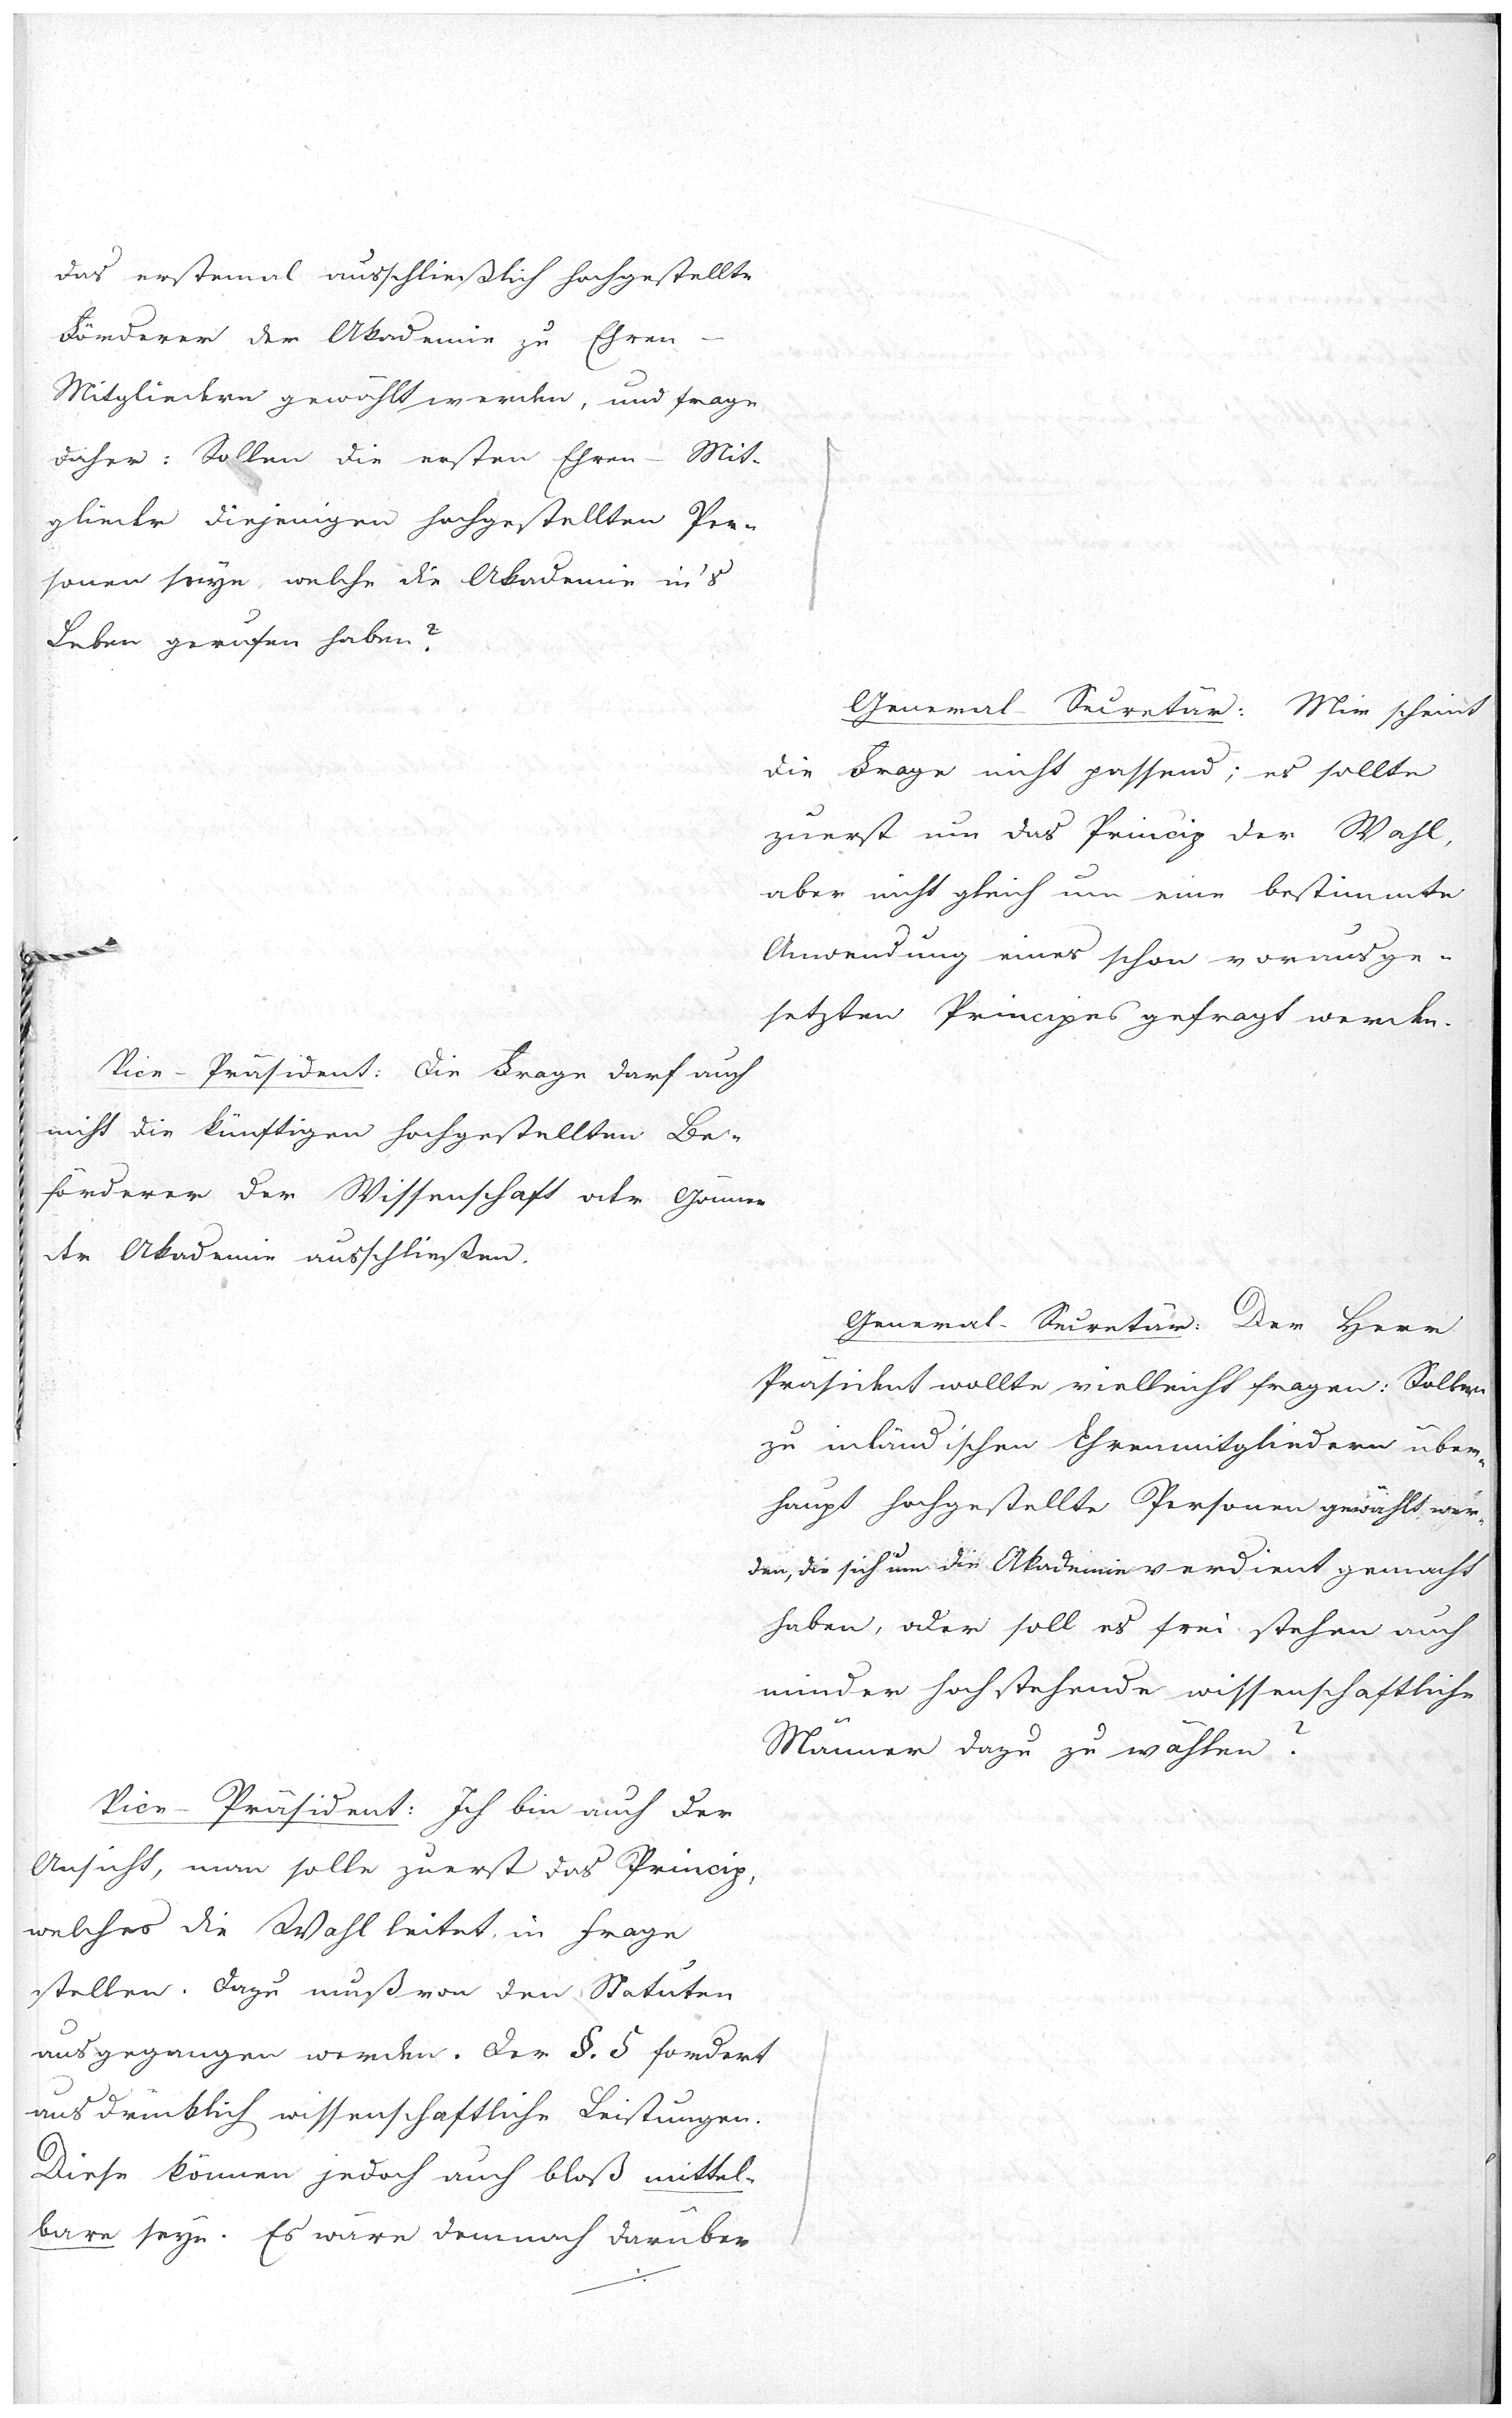das erstemal ausschließlich hochgestellte
Förderer der Akademie zu Ehren-
Mitgliedern gewählt werden, und frage
daher: Sollen die ersten Ehren-Mit-
glieder diejenigen hochgestellten Per-
sonen seyn, welche die Akademie in's
Leben gerufen haben?
General-Secretär: Mit scheint
die Frage nicht passend; es sollte
zuerste um das Princip der Wahl,
aber nicht gleich um eine bestimmte
Anwendung eines schon vorausge-
setzten Princips gefragt werden.
Vice-Präsident: Die Frage darf auch
nicht die künftigen hochgestellten Be-
förderer der Wissenschaften oder Gönner
der Akademie ausschießen.
General-Secretär: Der Herr
Präsident wollte vielleicht fragen: Sollten
zu inländischen Ehrenmitgliedern über-
haupt hochgestellte Personen gewählt wer-
den, die sich um die Akademie verdient gemacht
haben, oder soll es frei stehen auch
minder hochgestehende wissenschaftliche
Männer dazu zu wählen?
Vice-Präsident: Ich bin auch der
Ansicht, man sollte zuerst das Princip,
welches die Wahl leitet, in Frage
stellen. Dazu muß von den Statuten
ausgegangen werden. Das §. 5. fordert
ausdrücklich wissenschaftliche Leistungen.
Diese können jedoch auch bloß mittel-
bare seyn. Es wäre demnach darüber